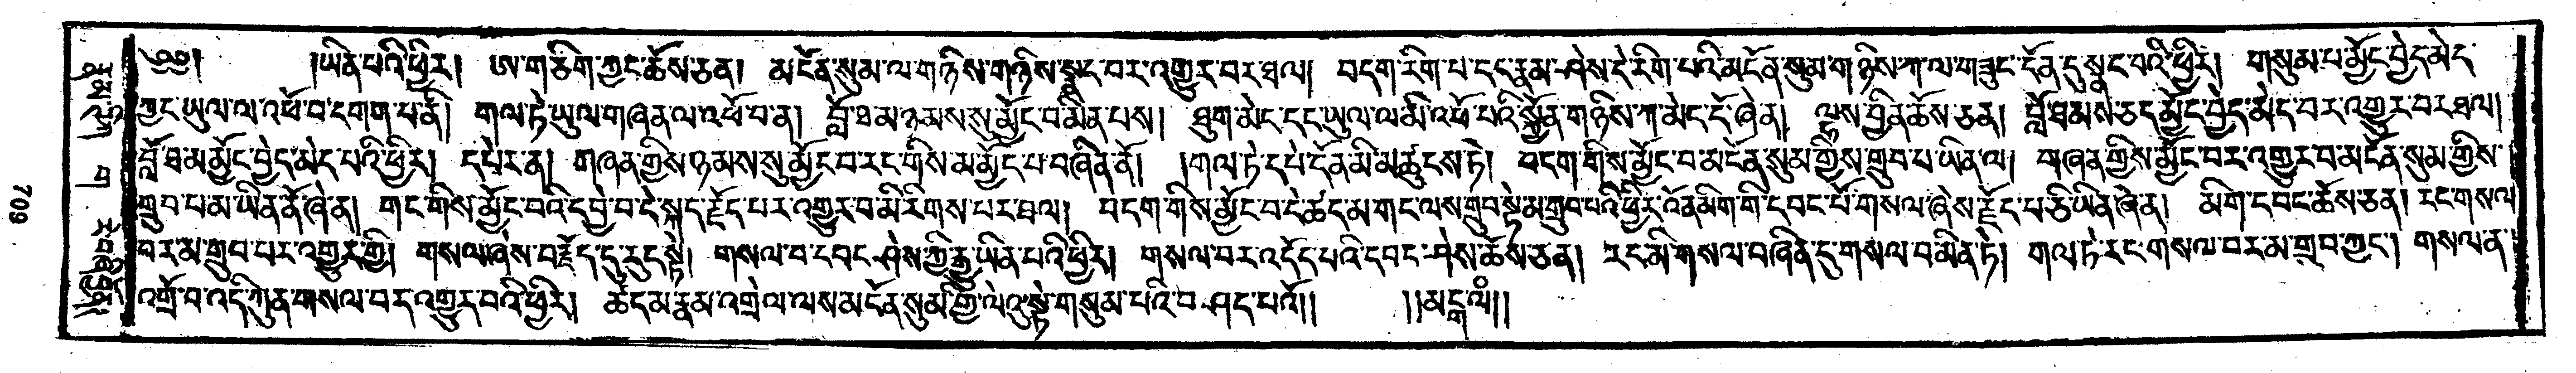༄༅། །ཡིན་པའི་ཕྱིར། ཨ་གཅིག་ཀྱང་ཆོས་ཅན། མངོན་སུམ་ལ་གཉིས་གཉིས་སྣང་བར་འགྱུར་བར་ཐལ། བདག་རིག་པ་དང་རྣམ་ཤེས་དེ་རིག་པའི་མངོན་སུམ་གཉིས་ཀ་ལ་གཟུང་དོན་དུ་སྣང་བའི་ཕྱིར། གསུམ་པ་མྱོང་བྱེད་མེད་
ཀྱང་ཡུལ་ལ་འཕོ་བ་དགག་པ་ནི། གལ་ཏེ་ཡུལ་གཞན་ལ་འཕོ་བ་ན། བློ་ཐ་མ་ཉམས་སུ་མྱོང་བ་མིན་པས། ཐུག་མེད་དང་ཡུལ་ལ་མི་འཕོ་བའི་སྐྱོན་གཉིས་ཀ་མེད་དོ་ཞེ་ན། ལྷས་བྱིན་ཆོས་ཅན། བློ་ཐམས་ཅད་མྱོང་བྱེད་མེད་བར་འགྱུར་བར་ཐལ།
བློ་ཐ་མ་མྱོང་བྱེད་མེད་པའི་ཕྱིར། དཔེར་ན། གཞན་གྱིས་ཉམས་སུ་མྱོང་བ་རང་གིས་མ་མྱོང་བ་བཞིན་ནོ། །གལ་ཏེ་དཔེ་དོན་མི་མཚུངས་ཏེ། བདག་གིས་མྱོང་བ་མངོན་སུམ་གྱིས་གྲུབ་པ་ཡིན་ལ། གཞན་གྱིས་མྱོང་བར་འགྱུར་བ་མངོན་སུམ་གྱིས་
གྲུབ་པ་མ་ཡིན་ནོ་ཞེ་ན། གང་གིས་མྱོང་བའི་དབྱེ་བ་དེ་སྐད་རྗོད་པར་འགྱུར་བ་མི་རིགས་པར་ཐལ། བདག་གིས་མྱོང་བ་དེ་ཚད་མ་གང་ལས་གྲུབ་སྟེ་མ་གྲུབ་པའི་ཕྱིར་འོན་མིག་གི་དབང་པོ་གསལ་ཞེས་རྗོད་པ་ཅི་ཡིན་ཞེ་ན། མིག་དབང་ཆོས་ཅན། རང་གསལ་
བར་མ་གྲུབ་པར་འགྱུར་གྱི། གསལ་ཞེས་བརྗོད་དུ་རུང་སྟེ། གསལ་བ་དབང་ཤེས་ཀྱི་རྒྱུ་ཡིན་པའི་ཕྱིར། གསལ་བར་འདོད་པའི་དབང་ཤེས་ཆོས་ཅན། རང་མི་གསལ་བཞིན་དུ་གསལ་བ་མིན་ཏེ། གལ་ཏེ་རང་གསལ་བར་མ་གྲུབ་ཀྱང་། གསལ་ན་
འགྲོ་བ་འདི་ཀུན་གསལ་བར་འགྱུར་བའི་ཕྱིར། ཚད་མ་རྣམ་འགྲེལ་ལས་མངོན་སུམ་གྱི་ལེའུ་སྟེ་གསུམ་པའི་བཤད་པའོ།། །།མངྒ་ལཾ།།